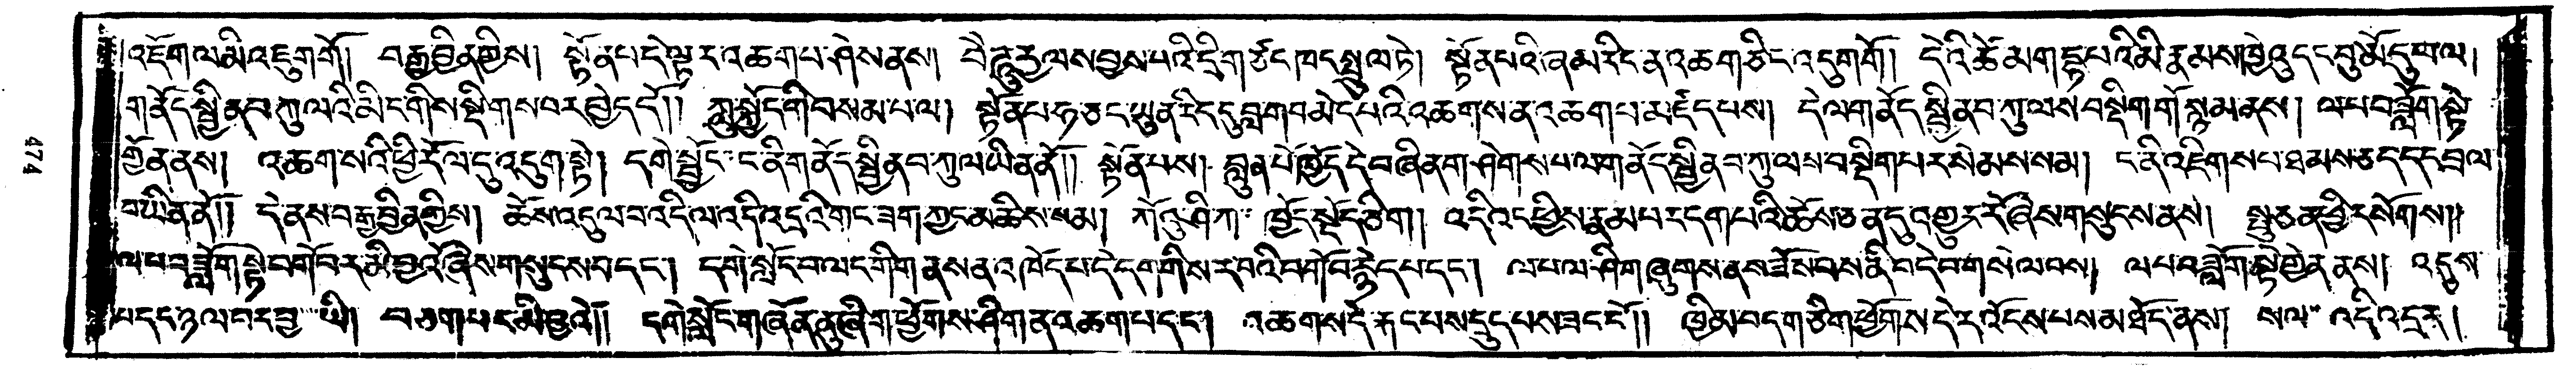འཇོག་ལ་མི་འཇུག་གོ། བརྒྱ་བྱིན་གྱིས། སྟོན་པ་དེ་ལྟར་འཆག་པ་ཤེས་ནས། བཻཌཱུརྱ་ལས་བྱས་པའི་དྲི་གཙང་ཁང་སྤྲུལ་ཏེ། སྟོན་པའི་ཞམ་རིང་ན་འཆག་ཅིང་འདུག་གོ། དེའི་ཚེ་མགདྷ་པའི་མི་རྣམས་ཁྱེའུ་དང་བུ་མོ་དུ་བ་ལ།
གནོད་སྤྱིན་པ་ཀུ་ལའི་མིང་གིས་སྡིགས་བར་བྱེད་དོ།། ཀླུ་སྐྱོད་གི་བསམ་པ་ལ། སྟོན་པ་ཧ་ཅང་ཡུན་རིང་དུ་བླ་གབ་མེད་པའི་འཆགས་ན་འཆག་པ་མཛད་པས། དེ་ལ་གནོད་སྦྱིན་བ་ཀུ་ལས་བསྡིག་གོ་སྙམ་ནས། ལབ་བཟློག་སྟེ་
གྱོན་ནས། འཆག་སའི་ཕྱི་རོལ་དུ་འདུག་སྟེ། དགེ་སྦྱོང་ང་ནི་གནོད་སྦྱིན་བ་ཀུ་ལ་ཡིན་ནོ།། སྟོན་པས། བླུན་པོ་ཁྱོད་དེ་བཞིན་གཤེགས་པ་ལ་གནོད་སྦྱིན་བ་ཀུ་ལས་བསྡིག་པར་སེམས་སམ། ང་ནི་འཇིགས་པ་ཐམས་ཅད་དང་བྲལ་
བ་ཡིན་ནོ།། དེ་ནས་བརྒྱ་བྱིན་གྱིས། ཆོས་འདུལ་བ་འདི་ལ་འདི་འདྲའི་གང་ཟག་ཀྱང་མཆིས་སམ། ཀོའུ་ཤི་ཀ་ཁྱོད་སྡོད་ཅིག། འདིའང་ཕྱིས་རྣམ་པར་དག་པའི་ཆོས་ཅན་དུ་འགྱུར་རོ་ཞེས་གསུངས་ནས། སྤུ་ཅན་ཕྱིར་སོགས།།
ལ་པ་བཟློག་སྟེ་བགོ་བར་མི་བྱའོ་ཞེས་གསུངས་པ་དང་། དགེ་སློང་བ་ལང་གི་གནས་ན་འཁོད་པ་དེ་དག་གིས་ར་བའི་བགོ་བརྙེད་པ་དང་། ལ་པ་ལ་ཤིག་ཞུགས་ནས་ཟོས་བས་ནི་བདེ་བ་གསེལ་བས། ལབ་བཟློག་སྟེ་གྱེན་ནས། འདུས་
པ་དང་ཉལ་བར་བྱ་ཡི། བཅག་པར་མི་བྱའོ།། དགེ་སློང་གཞོན་ནུ་ཞིག་ཕྱོགས་ཤིག་ན་འཆག་པ་དང་། འཆགས་དེ་རྐང་པས་དྲུད་པས་ཟང་ངོ།། ཁྱིམ་བདག་ཅིག་ཕྱོགས་དེ་ར་འོངས་པས་མཐོད་ནས། སལ་འདི་འདྲར།